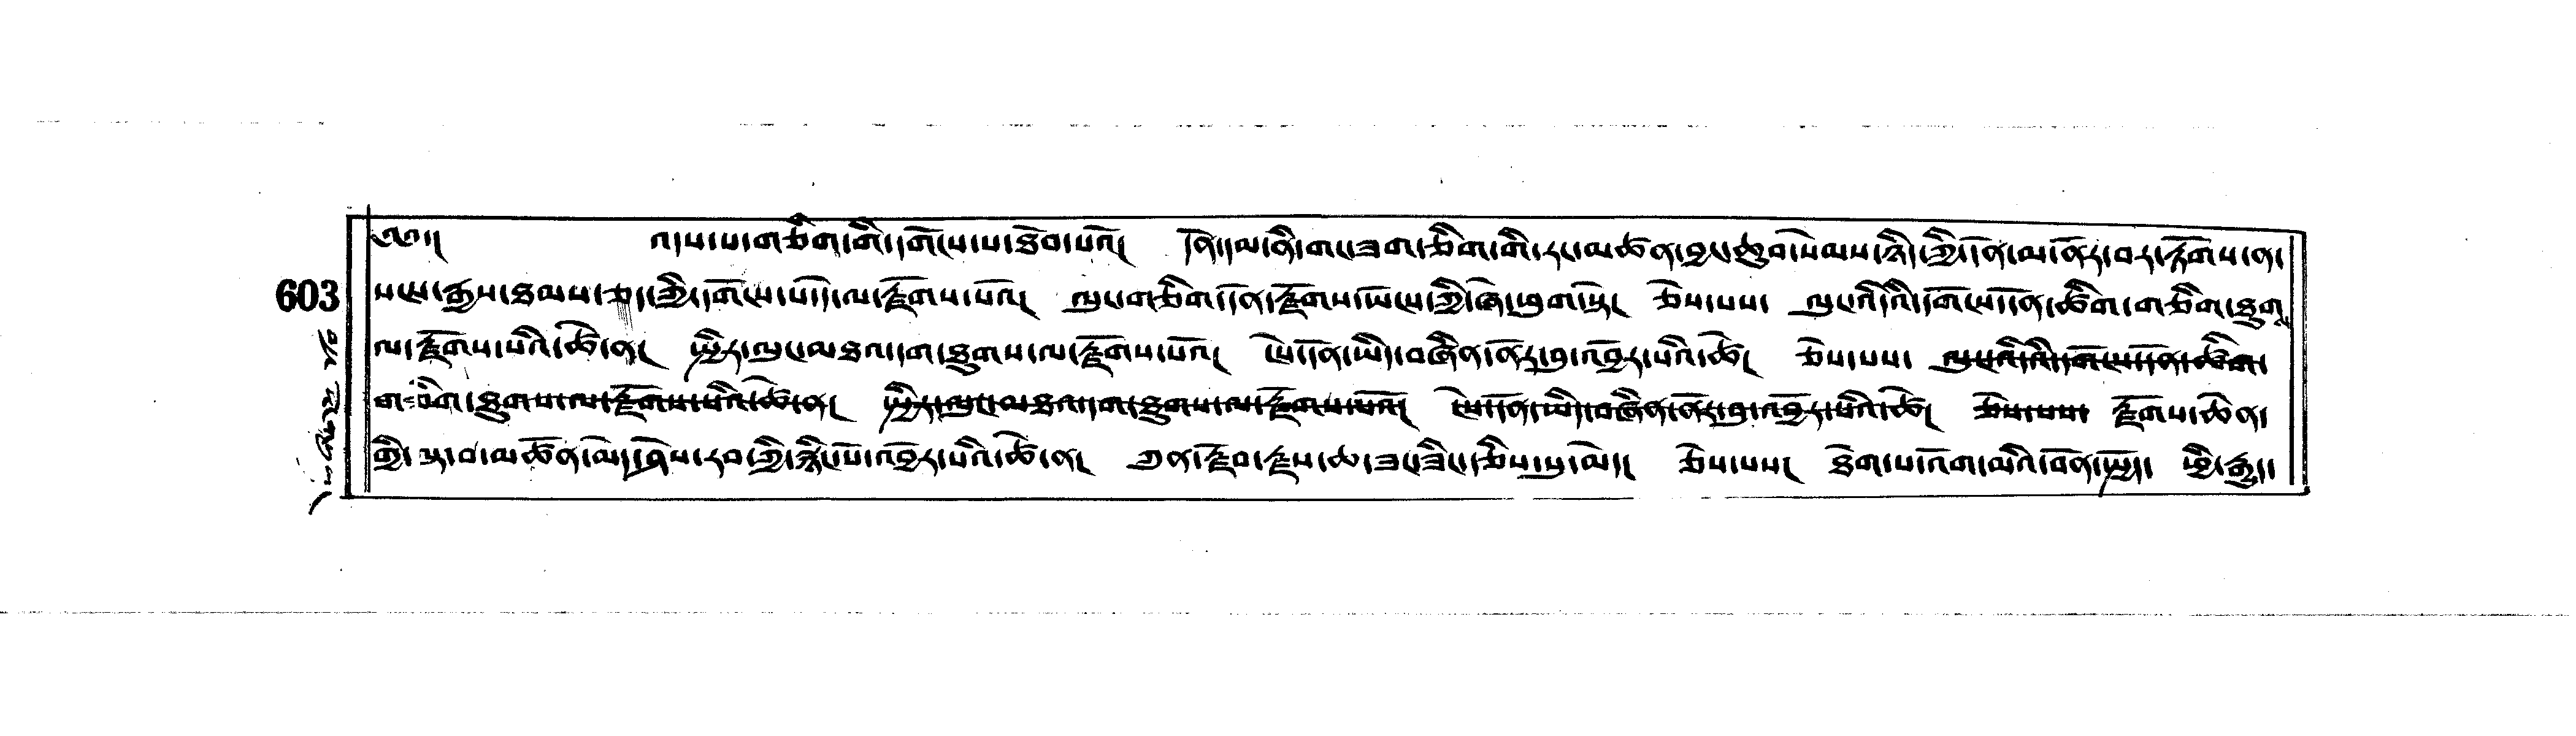འདས་པ་གཅིག་གི་དགོངས་པ་ཐོབ་པའོ། དོན་དམ་གང་ཟག་ཅིག་གི་རང་མཚན་བྱང་ཆུབ་སེམས་ཉིད་ཀྱི་དོན་མ་ནོར་བར་རྟོགས་ན་
སངས་རྒྱས་ཐམས་ཅད་ཀྱི་དགོངས་པ་དེ་ལ་རྫོགས་པའོ། ལུང་གཅིག་དོན་རྫོགས་ཡོངས་ཀྱི་ཞེ་ཕུག་སྟེ། ཅེས་པས། ལུང་འདིའི་དགོངས་དོན་ཚིག་གཅིག་ཐུགས་
ལ་རྫོགས་པའི་ཚེ་ན། སྤྱིར་ལུང་མཐའ་དག་ཐུགས་ལ་རྫོགས་པའོ། ངེས་དོན་ཡིད་བཞིན་ནོར་བུ་འབྱོར་བའི་ཚེ། ཅེས་པས། 
རྫོགས་ཆེན་གྱི་ལྟ་བ་མཚོན་མེད་ཤེས་རབ་ཀྱི་སྙིང་པོ་འབྱོར་བའི་ཚེ་ན། ཀུན་རྫོབ་རྫས་ཆ་ཟང་ཟིང་རྩིས་སུ་མེད། ཅེས་པས། ཐེག་མ་འོག་མའི་བོན་སྤྱོད། ཕྱི་རྒྱུད་